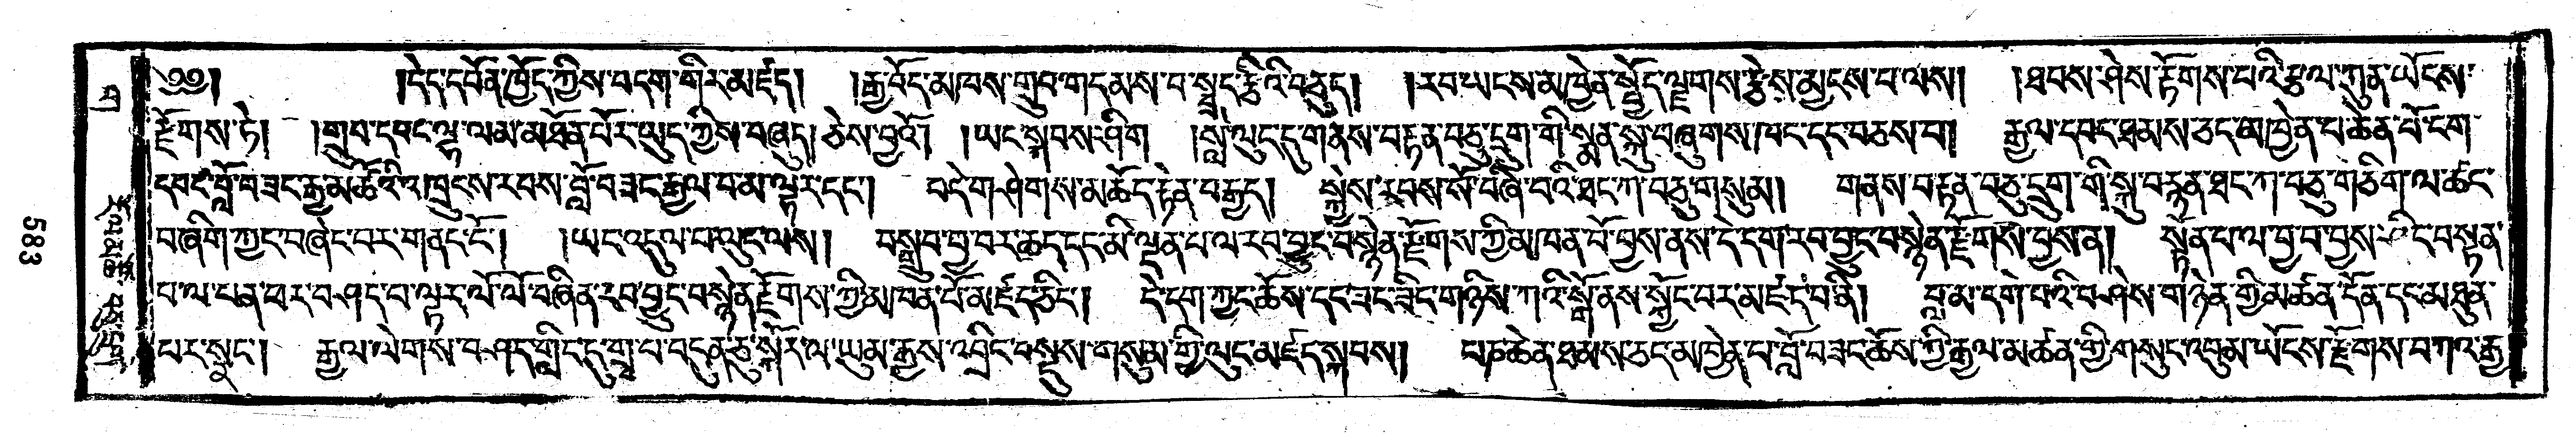༄༅། །དེད་དབོན་ཁྱོད་ཀྱིས་བདག་གིར་མཛད། །རྒྱ་བོད་མཁས་གྲུབ་གདམས་པ་སྦྲང་རྩིའི་བཅུད། །རབ་ཡངས་མཁྱེན་སྤྱོད་ལྗགས་རྩེས་མྱངས་པ་ལས། །ཐབས་ཤེས་རྟོགས་པའི་རྩལ་ཀུན་ཡོངས་
རྫོགས་ཏེ། །གྲུབ་དབང་ལྷ་ལམ་མཐོན་པོར་ཡུད་ཀྱིས་བཞུད། ཅེས་བྱའོ། །ཡང་སྐབས་ཤིག །སླེ་ལུང་དུ་གནས་བརྟན་བཅུ་དྲུག་གི་སྨན་སྐུ་བཞུགས་ཁང་དང་བཅས་པ། རྒྱལ་དབང་ཐམས་ཅད་མཁྱེན་པ་ཆེན་པོ་ངག་
དབང་བློ་བཟང་རྒྱ་མཚོའི་འཁྲུངས་རབས་བློ་བཟང་རྒྱལ་བ་མ་ལྟར་དང་། བདེ་གཤེགས་མཆོད་རྟེན་བརྒྱད། སྐྱེས་རབས་སོ་བཞི་བའི་ཐང་ཀ་བཅུ་གསུམ། གནས་བརྟན་བཅུ་དྲུག་གི་སྐུ་བརྙན་ཐང་ཀ་བཅུ་གཅིག་ལ་ཚང་
བ་ཞིག་ཀྱང་བཞེང་བར་གནང་ངོ། །ཡང་འདུལ་བ་ལུང་ལས། བསྒྲུབ་བྱ་བར་ཆད་དང་མི་ལྡན་པ་ལ་རབ་བྱུང་བསྙེན་རྫོགས་ཀྱི་མཁན་པོ་བྱས་ནས་དེ་དག་རབ་བྱུང་བསྙེན་རྫོགས་བྱས་ན། སྟོན་པ་ལ་བྱ་བ་བྱས་ཤིང་བསྟན་
པ་ལ་པན་ཕར་བཤད་པ་ལྟར་ལོ་ལོ་བཞིན་རབ་བྱུང་བསྙེན་རྫོགས་ཀྱི་མཁན་པོ་མཛད་ཅིང་། དེ་དག་ཀྱང་ཆོས་དང་ཟང་ཟིང་གཉིས་ཀའི་སྒོ་ནས་སྐྱོང་བར་མཛད་པ་ནི། བླ་མ་དགེ་བའི་བཤེས་གཉེན་གྱི་མཚན་དོན་དང་མཐུན་
པར་སྣང་། རྒྱལ་ལེགས་བཤད་གླིང་དུ་གྲྭ་པ་བདུན་ཅུ་སྐོར་ལ་ཡུམ་རྒྱས་འབྲིང་བསྡུས་གསུམ་གྱི་ལུང་མཛད་སྐབས། པཎ་ཆེན་ཐམས་ཅད་མཁྱེན་པ་བློ་བཟང་ཆོས་ཀྱི་རྒྱལ་མཚན་གྱི་གསུང་འབུམ་ཡོངས་རྫོགས་བཀའ་རྒྱ་